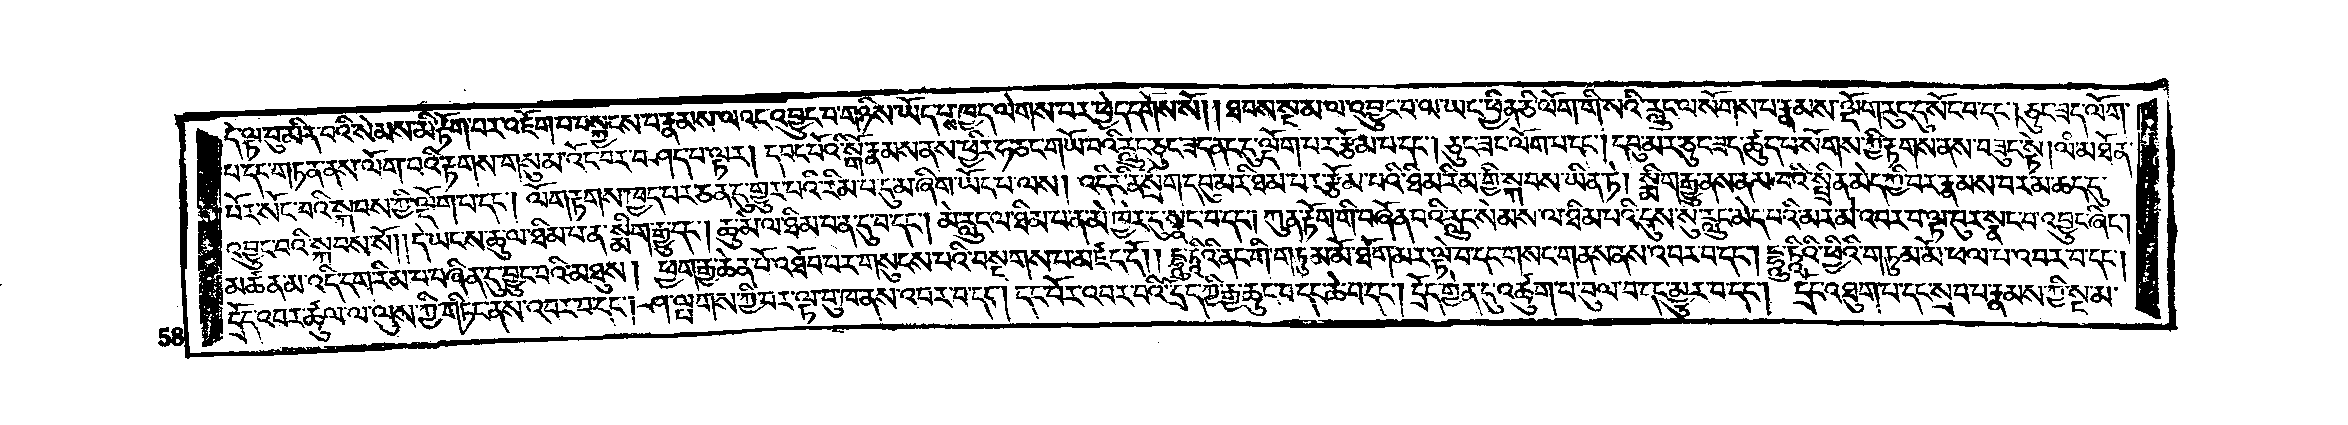དེ་ལྟ་བུ་མིན་པའི་སེམས་མི་རྟོག་པར་འཇོག་པ་བསྐྱངས་པ་རྣམས་ལའང་འབྱུང་བ་གཉིས་ཡོད་པས་ཁྱད་ལེགས་པར་ཕྱེད་དགོས་སོ། །ཐབས་སྔ་མ་ལ་འབྱུང་བ་ལ་ཡང་ཕྱིན་ཅི་ལོག་གི་སའི་རླུང་ལ་སོགས་པ་རྣམས་ལྡོག་རུང་དུ་སོང་བ་དང་། ཅུང་ཟད་ལོག་
པ་དང་གཏན་ནས་ལོག་པའི་རྟགས་གསུམ་འོང་བར་བཤད་པ་ལྟར། དབང་པོའི་སྒོ་རྣམས་ནས་ཕྱིར་ཧ་ཅང་གཡོ་བའི་རླུང་ཅུང་ཟད་ནང་དུ་ལྡོག་པར་རྩོམ་པ་དང་། ཅུང་ཟད་ལོག་པ་དང་། དབུ་མར་ཅུང་ཟད་ཚུད་པ་སོགས་ཀྱི་རྟགས་ནས་བཟུང་སྟེ། ལཾ་མཐོན་
པོར་སོང་བའི་སྐབས་ཀྱི་ལྡོག་པ་དང་། ལོག་རྟགས་ཁྱད་པར་ཅན་དུ་གྱུར་པའི་རིམ་པ་དུ་མ་ཞིག་ཡོད་པ་ལས། འདིར་ནི་སྲོག་དབུ་མར་ཐིམ་པར་རྩོམ་པའི་ཐིམ་རིམ་གྱི་སྐབས་ཡིན་ཏེ། སྨིག་རྒྱུ་ནས་ནམ་མཁའི་སྤྲིན་མེད་ཀྱི་བར་རྣམས་བར་མ་ཆད་དུ་
འབྱུང་བའི་སྐབས་སོ། །དེ་ཡང་ས་ཆུ་ལ་ཐིམ་པ་ན་སྨིག་རྒྱུ་དང་། ཆུ་མེ་ལ་ཐིམ་པ་ན་དུ་བ་དང་། མེ་རླུང་ལ་ཐིམ་པ་ན་མེ་ཁྱེར་དུ་སྣང་བ་དང་། ཀུན་རྟོག་གི་བཞོན་པའི་རླུང་སེམས་ལ་ཐིམ་པའི་དུས་སུ་རླུང་མེད་པའི་མར་མེ་འབར་བ་ལྟ་བུར་སྣང་བ་འབྱུང་ཞིང་།
མཚན་མ་འདི་དག་རིམ་པ་བཞིན་དུ་བྱུང་བའི་མཐུས། ཕྱག་རྒྱ་ཆེན་པོ་འཐོབ་པར་གསུངས་པའི་བསྔགས་པ་མཛད་དོ། །དྷཱུ་ཏཱིའི་ནང་གི་གཏུམ་མོ་ཐོག་མར་ལྟེ་བ་དང་གསང་གནས་ནས་འབར་བ་དང་། དྷཱུ་ཏཱིའི་ཕྱིའི་གཏུམ་མོ་ཕལ་པ་འབར་བ་དང་།
དྲོད་འབར་ཚུལ་ལ་ལུས་ཀྱི་གཏིང་ནས་འབར་བ་དང་། ཤ་ལྤགས་ཀྱི་བར་ལྟ་བུ་ཁ་ནས་འབར་བ་དང་། དང་པོར་འབར་བའི་དྲོད་ཀྱི་རྒྱ་ཆུང་བ་དང་ཆེ་བ་དང་། དྲོད་གྱེན་དུ་འཆུག་པ་བུལ་བ་དང་མྱུར་བ་དང་། དྲོད་འཐུག་པ་དང་སྲབ་པ་རྣམས་ཀྱི་སྔ་མ་